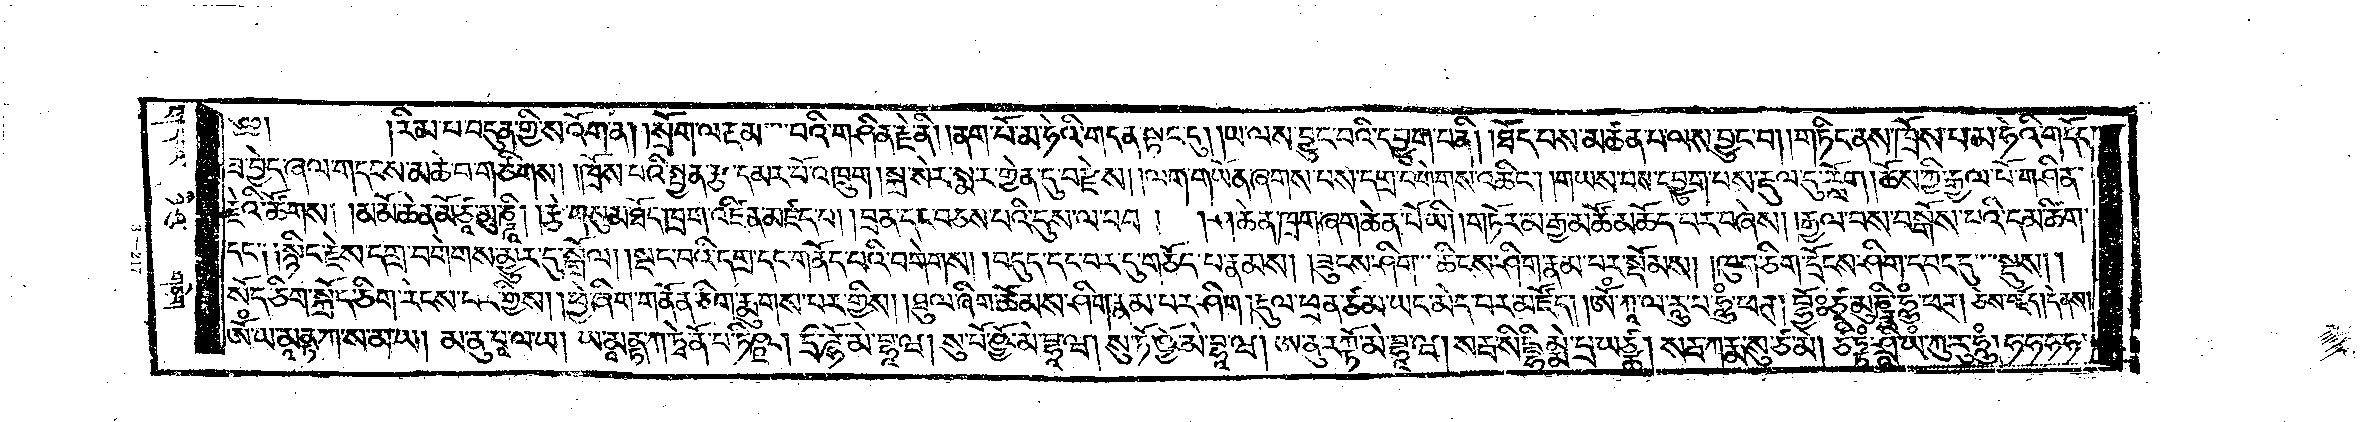༄༅། །རིམ་པ་བདུན་གྱི་ས་འོག་ན། །སྲོག་ལ་རྔམ་བའི་གཤིན་རྗེ་ནི། །ནག་པོ་མ་ཧེའི་གདན་སྟང་དུ། །ཡ་ལས་བྱུང་བའི་དབྱུག་པ་ནི། །ཐོང་བས་མཚན་པ་ལས་བྱུང་བ། །གཏིང་ནས་ཁྲོས་པ་མ་ཧེའི་གདོང་
ཟ་བྱེད་ཞལ་གདངས་མཆེ་བ་གཙིགས། །ཁྲོས་པའི་སྤྱན་རྩ་དམར་པོ་འཁྲུག །སྐྲ་སེར་སྨར་གྱེན་དུ་བརྫེས། །ལག་གཡོན་ཞགས་པས་དགྲ་བགེགས་འཆིང་། །གཡས་པས་དབྱུག་པས་རྡུལ་དུ་རློག། ཆོས་ཀྱི་རྒྱལ་པོ་གཤིན་
རྗེའི་ཚོགས། །མ་མོ་ཆེན་མོ་ཙཱ་མུཎྜཱི། །རྩེ་གསུམ་ཐོད་ཁྲག་འཛིན་མཛད་པ། །བྲན་དང་བཅས་པའི་དུས་ལ་བབ། །ཤ་ཆེན་ཁྲག་ཞག་ཆེན་པོ་ཡི། །གཏོར་མ་རྒྱ་མཚོ་མཆོད་པར་བཞེས། །རྒྱལ་བས་བསྒོས་པའི་དམ་ཚིག་
དང༑ ༑སྙིང་རྗེས་དགྲ་བགེགས་མྱུར་དུ་སྒྲོལ། །སྤང་བའི་དགྲ་དང་གནོད་པའི་བགེགས། །བདུད་དང་བར་དུ་གཅོད་པ་རྣམས། །ཟུངས་ཤིག་ཆིངས་ཤིག་རྣམ་པར་སྡོམས། །ཁུག་ཅིག་དྲོངས་ཤིག་དབང་དུ་སྡུས། །
སོད་ཅིག་སྐྲོད་ཅིག་རེངས་པར་གྱིས། །ཕྱེ་ཞིག་གནོན་ཅིག་རྨུགས་པར་གྱིས། །ཐུལ་ཞིག་ཆོམས་ཤིག་རྣམ་པར་ཤིག། །རྡུལ་ཕྲན་ཙམ་ཡང་མེད་པར་མཛོད། །ཨོཾ་ཀཱ་ལ་རཱུ་པ་ཧཱུཾ་ཕཊ། བྷྱོཿཙྪ་མུཎྜི་ཧཱུཾ་ཕཊ། ཅེས་བརྗོད། དེ་ནས
ཨོཾ་ཡ་མཱནྟ་ཀ་ས་མ་ཡ། མ་ནུ་པཱ་ལ་ཡ། ཡ་མཱནྟ་ཀ་ཏྭེ་ནོ་པ་ཏིཥཊཿཨ། དྲི་ཌྷོ་མེ་བྷཱ་ཝ། སུ་པོ་ཥྱོ་མེ་བྷཱ་ཝ། སུ་ཏོ་ཥྱོ་མེ་བྷཱ་ཝ། ཨ་ནུ་རཀྟོ་མེ་བྷཱ་ཝ། སརྦ་སིདྡྷི་མྨེ་པྲ་ཡཙྪ། སརྦ་ཀརྨ་སུ་ཙ་མེ། ཙིཏྟཾ་ཤྲཱི་ཡཾ་ཀུ་རུ་ཧཱུཾ། ཧ་ཧ་ཧ་ཧ་